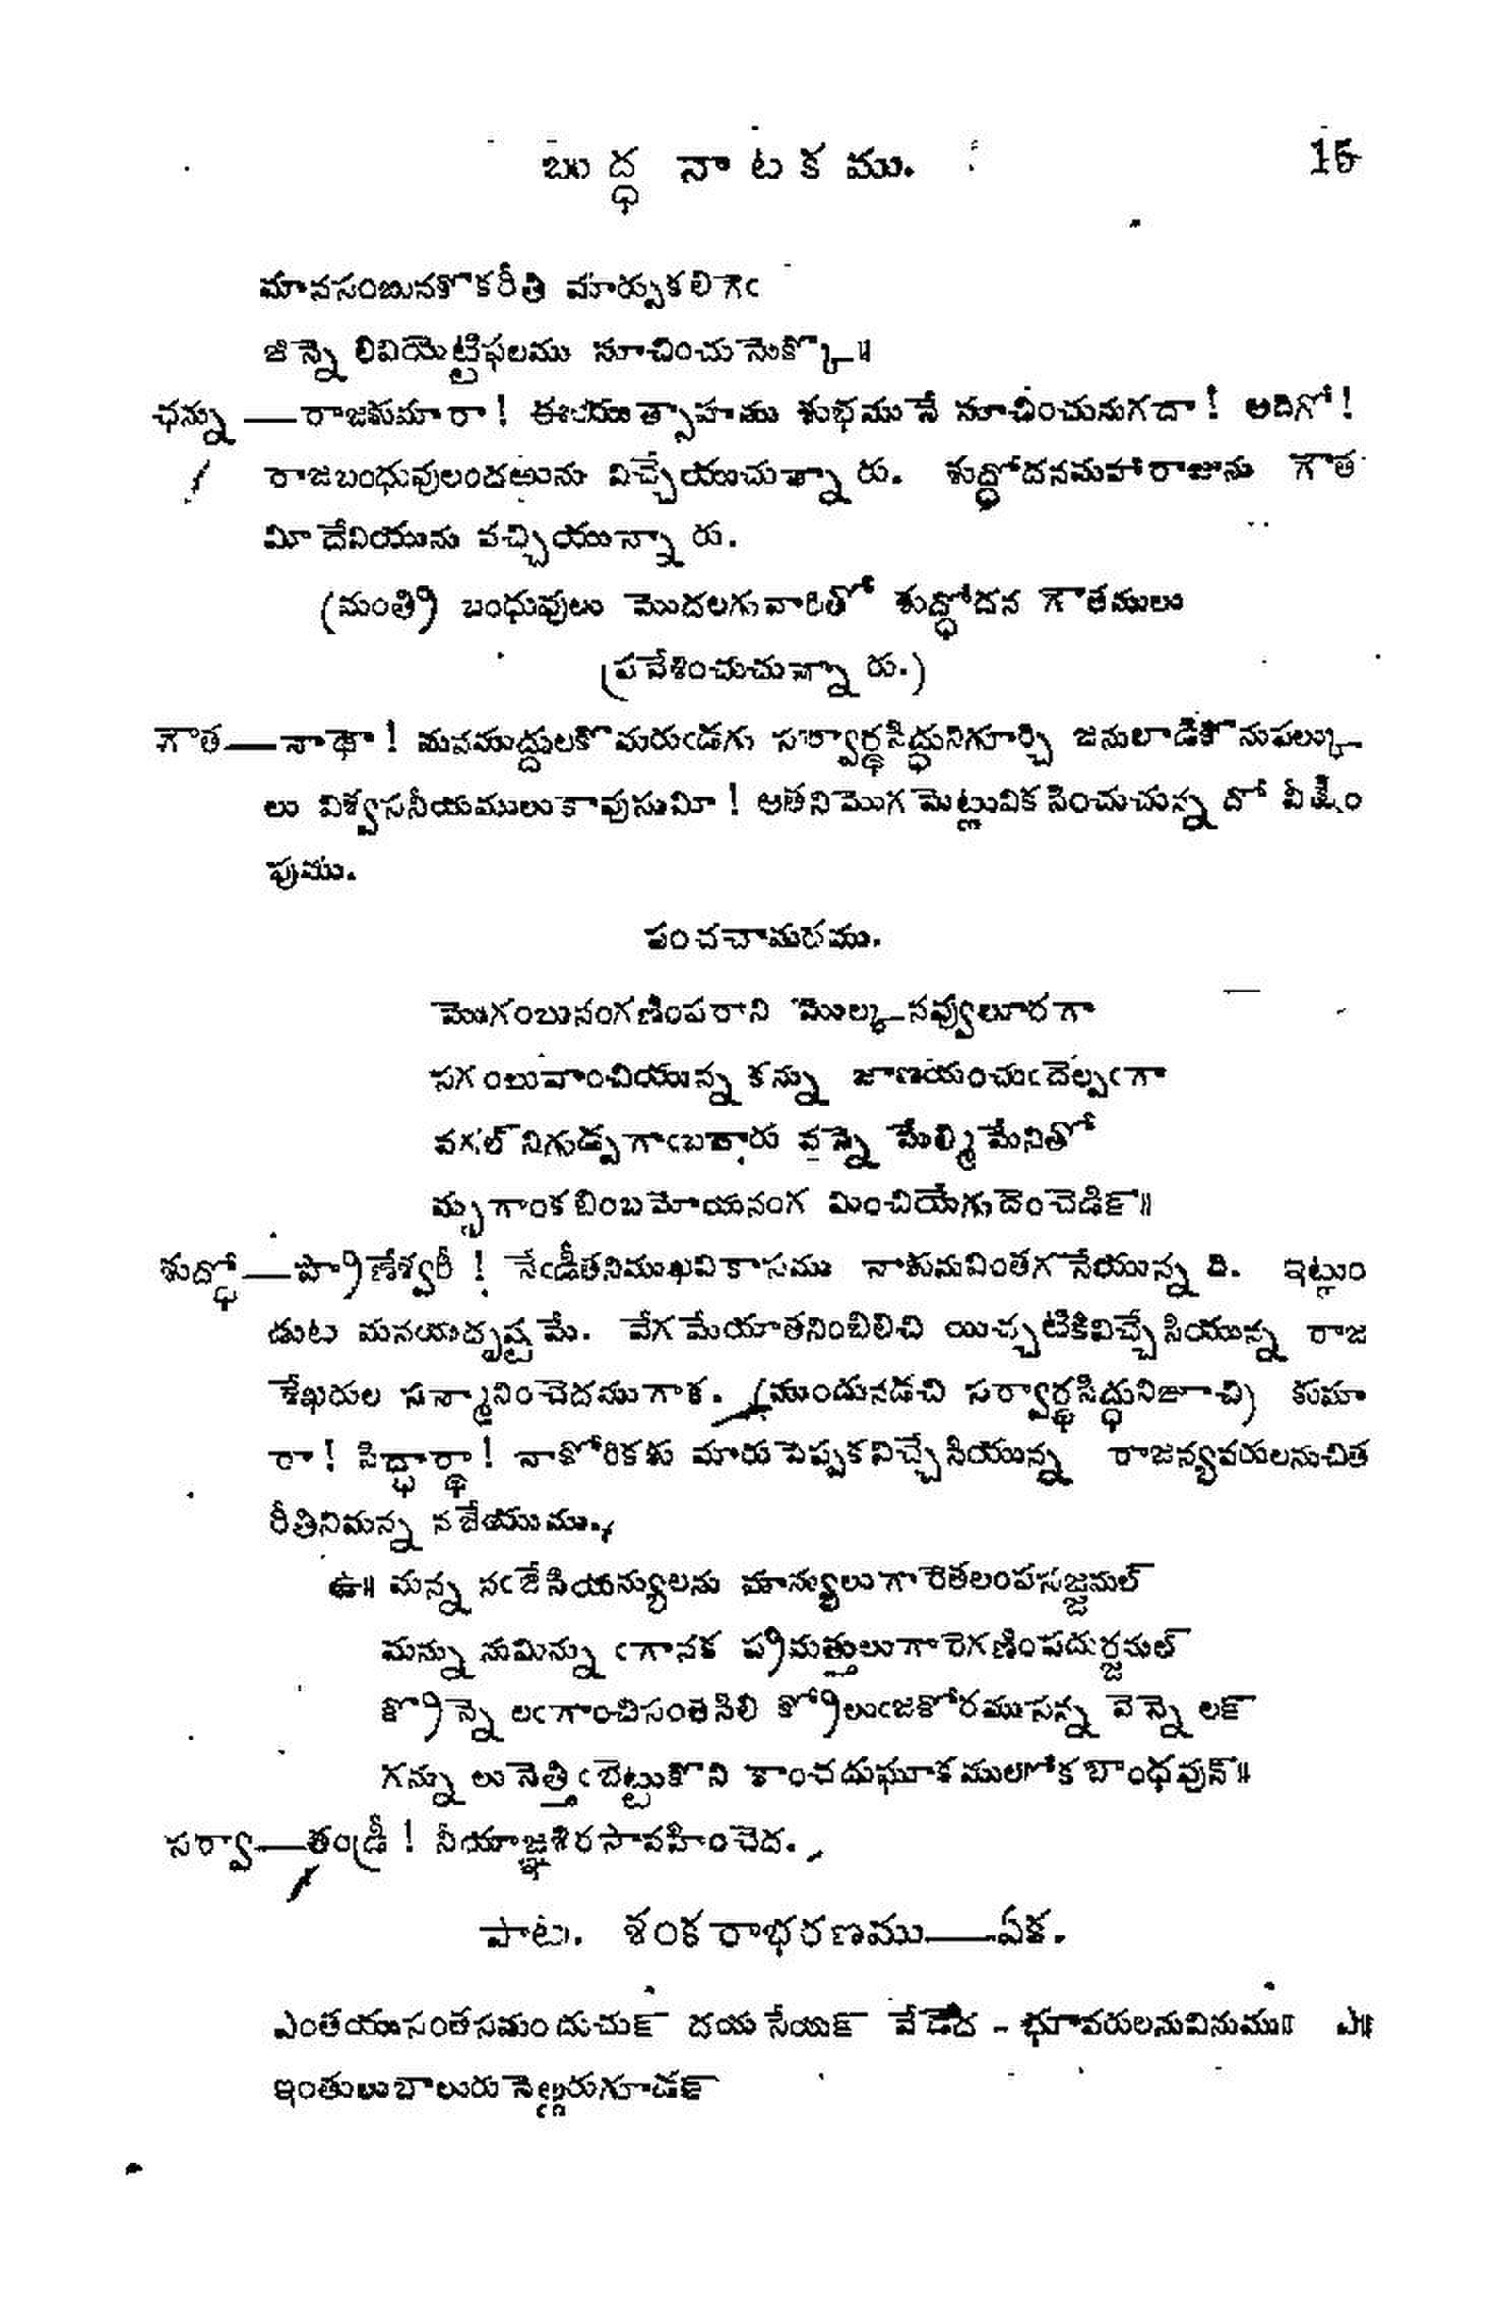మానసంబునకొకరీతి మార్పుకలిగెఁ 
జొన్నెలివియెట్టిఫలను సూచించునెక్కొ 

ఛన్ను — రాజకుమారా! ఈయుత్సాహము శుభమునే సూచించునుగదా! అదిగో! రాజబంధువులందఱును విచ్చేయుచున్నారు. శుద్ధోదనమహారాజును గౌతమీ దేవియును వచ్చియున్నారు.

(మంత్రి బంధువులు మొదలగువారితో శుద్ధోదన గౌతములు ప్రవేశించుచున్నారు)

గౌత — నాథా! మనముద్దులకొమరుఁడగు సర్వార్థసిద్ధునిగూర్చి జనులాడికొను పల్కులు విశ్వసనీయములుకావుసుమీ! ఆతనిమొగమెట్లు
వికసించుచున్నదో వీక్షింపుము.

మొగంబునంగణింపరాని మొల్కనవ్వులూరగా
సగంబువాంచియున్న కన్ను జాణయంచుఁదెల్పఁగా
వగల్ నిగుడ గాఁబదారు వన్నె మేల్మిమేనితో
మృగాంకబింబమోయనంగ మించియేగుదెంచెడి౯ 

శుద్ధో — ప్రాణేశ్వరీ! నేఁడీతనిముఖవికాసము నాకునువింతగనేయున్నది. ఇట్లుండుట మనయదృష్టమే. వేగమేయాతనింబిలిచి యిచ్చటికివిచ్చేసియున్న రాజశేఖరుల సన్మానించెదముగాక. (ముందునడచి సర్వార్థసిద్ధునిజూచి) కుమారా! సిద్ధార్థా! నాకోరికకు మారు విప్పకవిచ్చేసియున్న రాజన్యవరులనుచిత రీతినిమన్ననజేయుము.

ఉ॥ మన్న నఁజేసియన్యులను మాన్యులు గా రితలంపసజ్జనుల్
మన్ను సుమిన్ను గానక ప్ర్రమత్తులు గా రెగణింపదుర్జనుల్
త్రొన్నె లఁ గాంచిసంతె నీలి కోలుఁజకోరముసన్న వెన్నె లక్షా
గన్నులు నెత్తిఁ బెట్టుకొని కాంచదుఘూశములోక బాంధవు౯ 

సర్వా — తండ్రీ! నీయాజ్ఞశిరసావహించెద.

ఎంతయుసంత సమందుచు౯ దయసేయ౯ వేడెద - భూవరులనువినుము: ఎ: 
ఇంతులుబాలురునెల్లరుగూడ౯